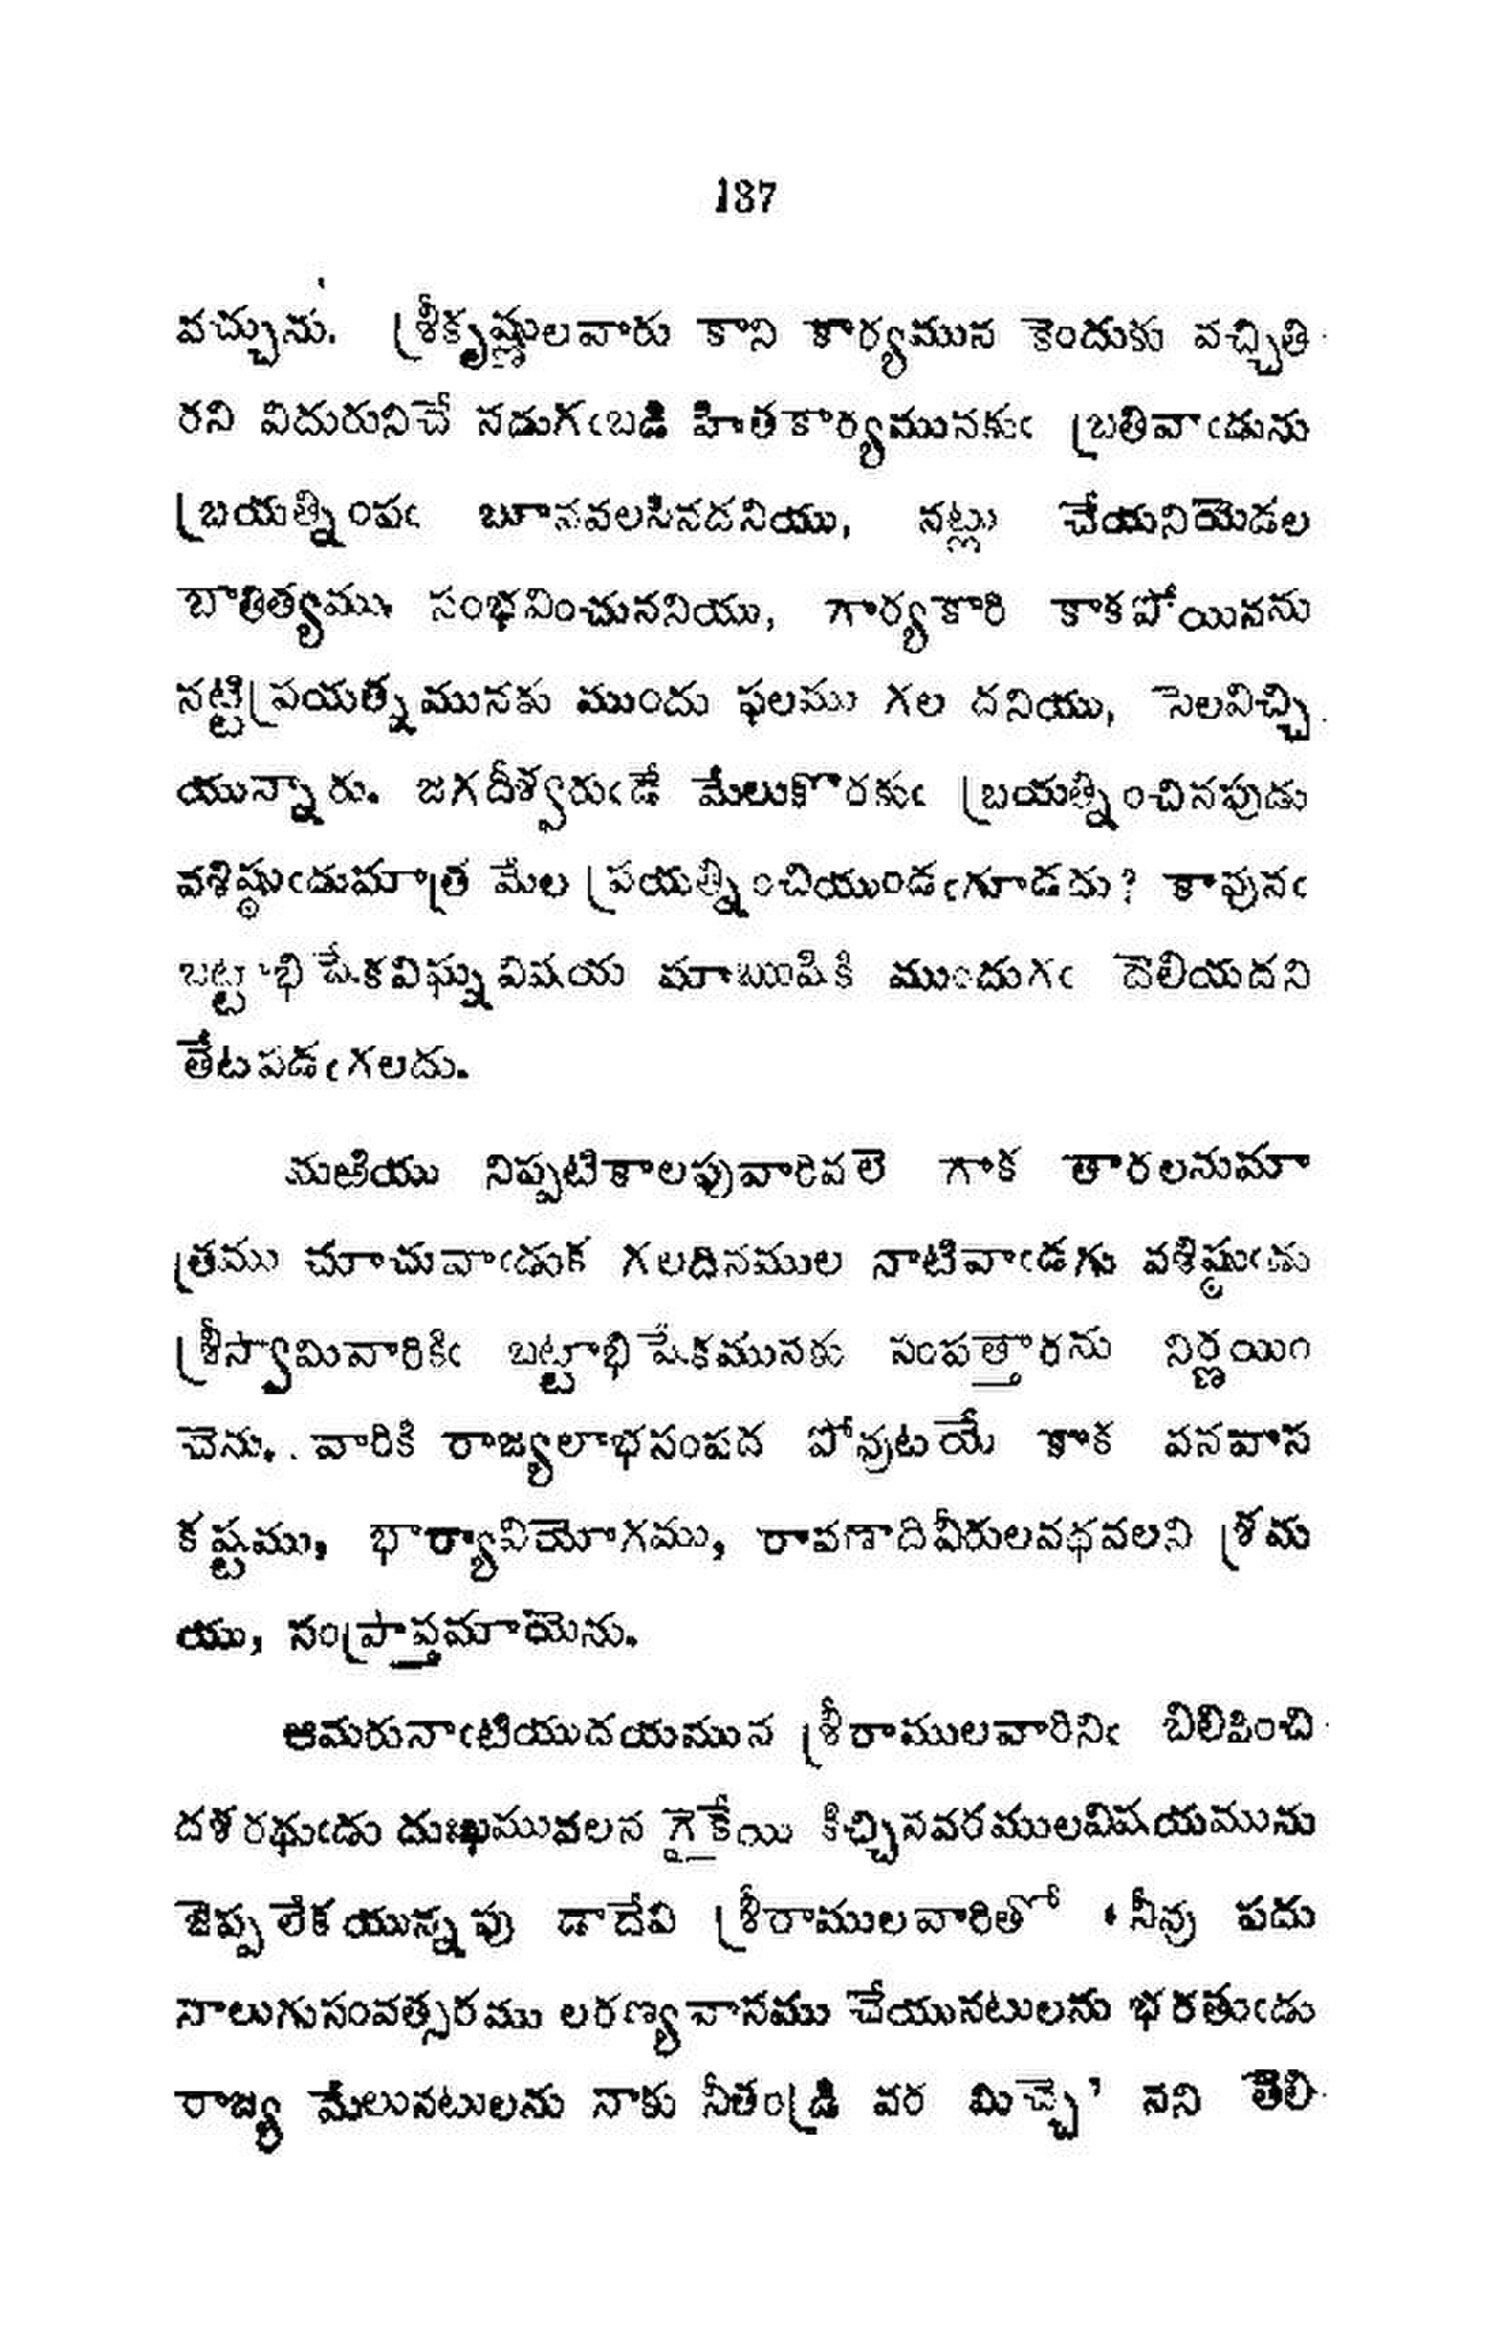వచ్చును. శ్రీకృష్ణులవారు కాని కార్యమున కెందుకు వచ్చితిరని విదురునిచే నడుగఁబడి హితకార్యమునకుఁ బ్రతివాఁడును బ్రయత్నింపఁ బూనవలసినదనియు, నట్లు చేయనియెడల
బాతిత్యము సంభవించుననియు, గార్యకారి కాకపోయినను నట్టి ప్రయత్నమునకు ముందు ఫలము గల దనియు, సెలవిచ్చి యున్నారు. జగదీశ్వరుఁడే మేలుకొరకుఁ బ్రయత్నించినపుడు వశిష్ఠుఁడుమాత్ర మేల ప్రయత్నించియుండఁగూడదు? కావునఁ బట్టాభిషేకవిఘ్నవిషయ మాఋషికి ముందుగఁ దెలియదని తేటపడఁగలదు.

మఱియు నిప్పటికాలపువారివలె గాక తారలనుమాత్రము చూచువాఁడుక గలదినముల నాటివాఁడగు వశిష్ఠుఁడు శ్రీస్వామివారికిఁ బట్టాభిషేకమునకు సంపత్తారను నిర్ణయించెను. . వారికి రాజ్యలాభసంపద పోవుటయే కాక వనవాస కష్టము, భార్యావియోగము, రావణాదివీరులవధవలని శ్రమయు, సంప్రాప్తమాయెను.

ఆమరునాఁటియుదయమున శ్రీరాములవారినిఁ బిలిపించి దశరథుఁడు దుఃఖమువలన గైకేయి కిచ్చినవరములవిషయమును జెప్పలేక యున్నపు డాదేవి శ్రీరాములవారితో 'నీవు పదునాలుగు సంవత్సరము లరణ్యవాసము చేయునటులను భరతుఁడు రాజ్య మేలునటులను నాకు నీతండ్రి వర మిచ్చె ' నని తెలి